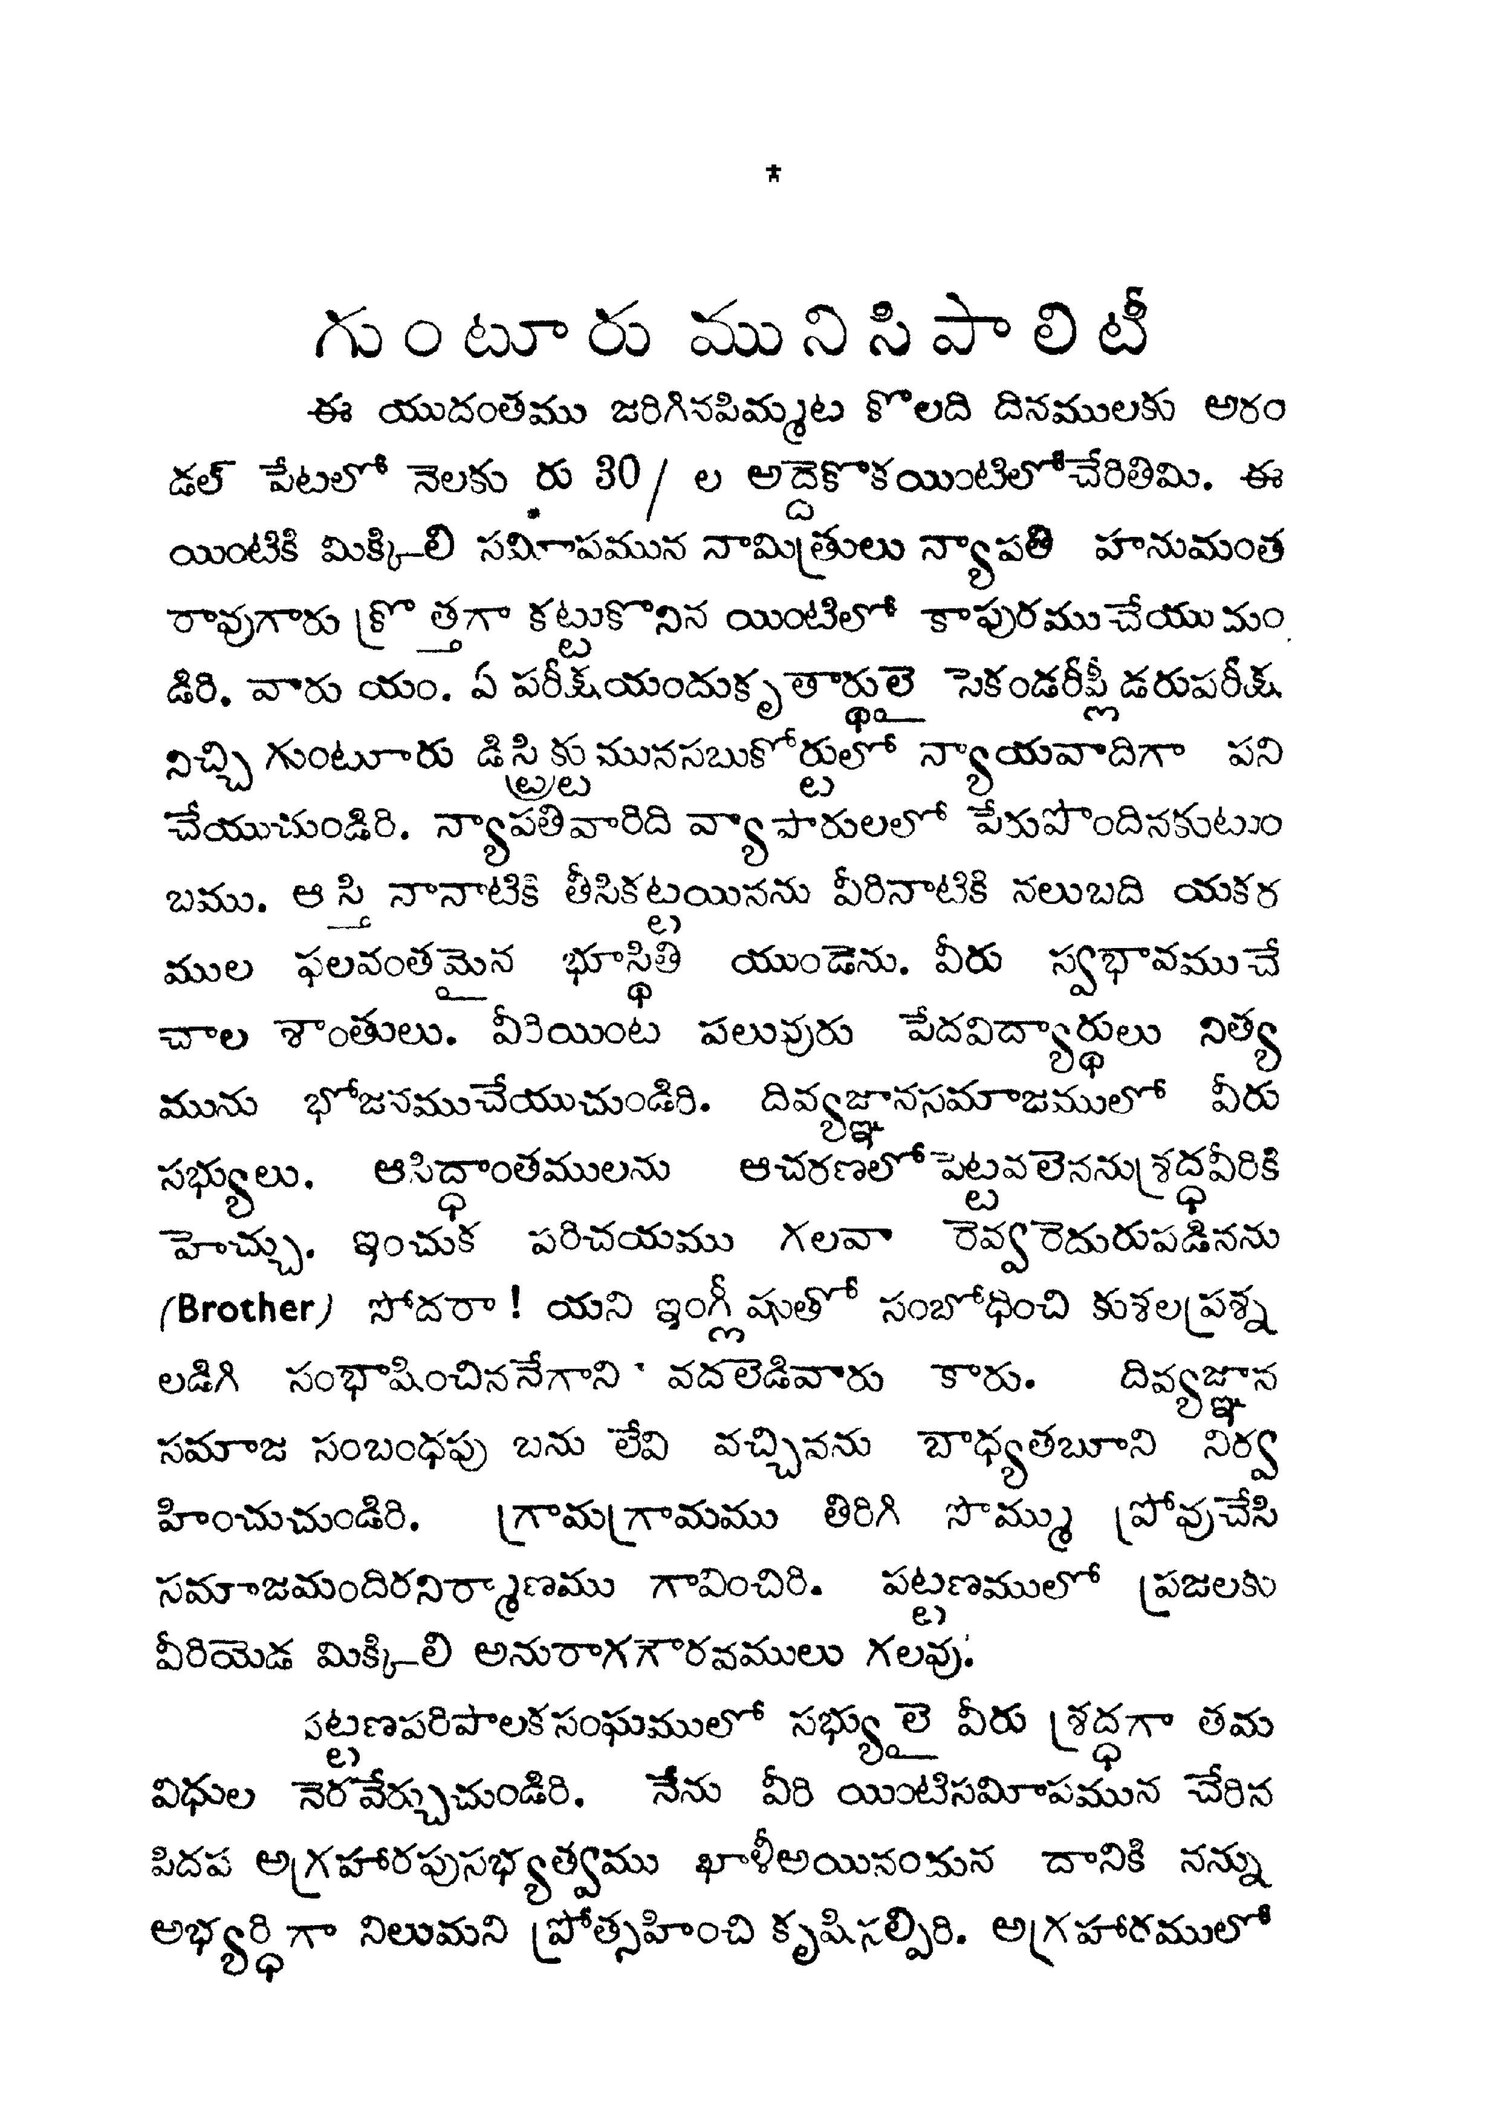ఈ యుదంతము జరిగినపిమ్మట కొలది దినములకు అరండల్ పేటలో నెలకు రు 30/- ల అద్దెకొకయింటిలోచేరితిమి. ఈ యింటికి మిక్కిలి సమీపమున నామిత్రులు న్యాపతి హనుమంతరావుగారు క్రొత్తగా కట్టుకొనిన యింటిలో కాపురము చేయుచుండిరి. వారు యం. ఏ పరీక్షయందుకృతార్థులై సెకండరీప్లీడరుపరీక్ష నిచ్చి గుంటూరు డిస్ట్రిక్టుమునసబుకోర్టులో న్యాయవాదిగా పనిచేయుచుండిరి. న్యాపతివారిది వ్యాపారులలో పేరుపొందినకుటుంబము. ఆస్తి నానాటికి తీసికట్టయినను వీరినాటికి నలుబది యకరముల ఫలవంతమైన భూస్థితి యుండెను. వీరు స్వభావముచే చాల శాంతులు. వీరియింట పలువురు పేదవిద్యార్థులు నిత్యమును భోజనముచేయుచుండిరి. దివ్యజ్ఞానసమాజములో వీరు సభ్యులు. ఆసిద్ధాంతములను ఆచరణలో పెట్టవలెననుశ్రద్ధవీరికి హెచ్చు. ఇంచుక పరిచయము గలవా రెవ్వరెదురుపడినను (Brother) సోదరా ! యని ఇంగ్లీషుతో సంబోధించి కుశలప్రశ్నలడిగి సంభాషించిననేగాని వదలెడివారు కారు. దివ్యజ్ఞాన సమాజ సంబంధపు బను లేవి వచ్చినను బాధ్యతబూని నిర్వహించుచుండిరి. గ్రామగ్రామము తిరిగి సొమ్ము ప్రోవుచేసి సమాజమందిరనిర్మాణము గావించిరి. పట్టణములో ప్రజలకు వీరియెడ మిక్కిలి అనురాగగౌరవములు గలవు.

పట్టణపరిపాలకసంఘములో సభ్యులై వీరు శ్రద్ధగా తమ విధుల నెరవేర్చుచుండిరి. నేను వీరి యింటిసమీపమున చేరిన పిదప అగ్రహారపుసభ్యత్వము ఖాళీఅయినందున దానికి నన్ను అభ్యర్థిగా నిలుమని ప్రోత్సహించి కృషిసల్పిరి. అగ్రహారములో